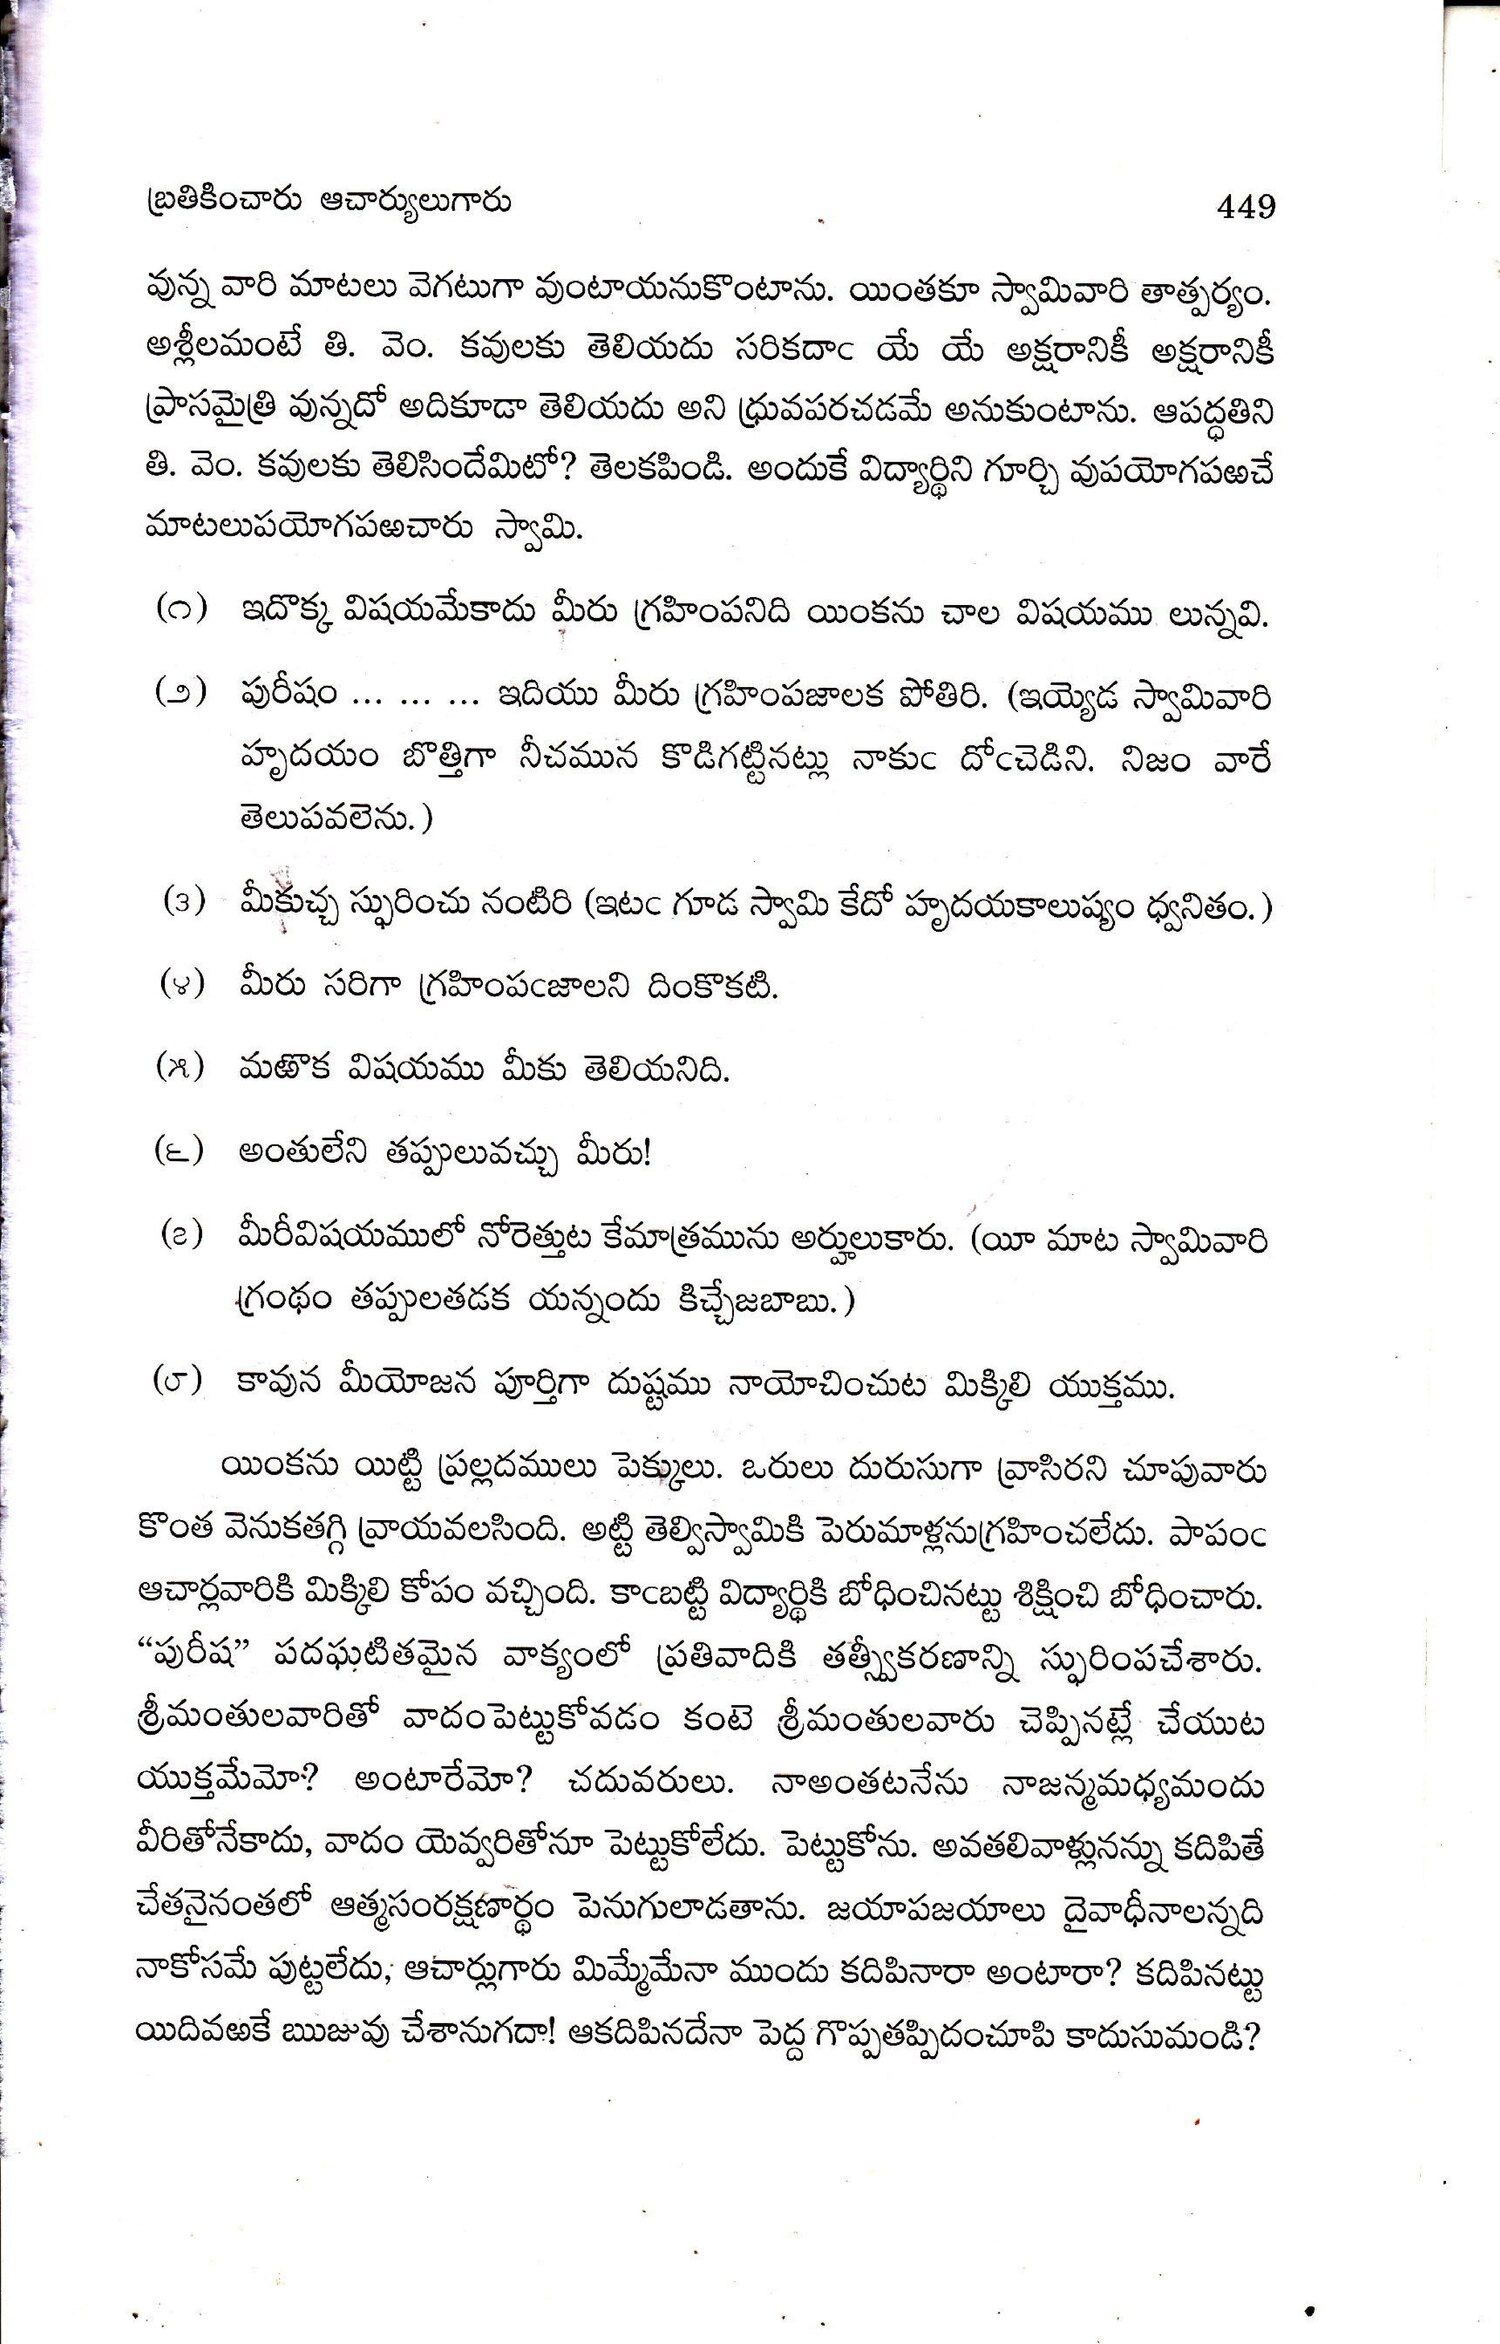వున్నవారి మాటలు వెగటుగా వుంటాయనుకొంటాను. యింతకూ స్వామివారి తాత్పర్యం. అశ్లీలమంటే తి. వెం. కవులకు తెలియదు సరికదాఁ యే యే అక్షరానికీ అక్షరానికీ ప్రాసమైత్రి వున్నదో అదికూడా తెలియదు అని ధ్రువపరచడమే అనుకుంటాను. ఆపద్ధతిని తి. వెం. కవులకు తెలిసిందేమిటో? తెలకపిండి. అందుకే విద్యార్థిని గూర్చి వుపయోగపఱచే మాటలుపయోగపఱచారు స్వామి.

(1) ఇదొక్క విషయమేకాదు మీరు గ్రహింపనిది యింకను చాల విషయము లున్నవి.

(2) పురీషం ... ... ... ఇదియు మీరు గ్రహింపజాలక పోతిరి. (ఇయ్యెడ స్వామివారి హృదయం బొత్తిగా నీచమున కొడిగట్టినట్లు నాకుఁ దోఁచెడిని. నిజం వారే తెలుపవలెను.)

(3) మీకుచ్చ స్ఫురించు నంటిరి (ఇటఁ గూడ స్వామి కేదో హృదయకాలుష్యం ధ్వనితం.) 

(4) మీరు సరిగా గ్రహింపcజాలని దింకొకటి.

(5) మఱొక విషయము మీకు తెలియనిది.

(6) అంతులేని తప్పులువచ్చు మీరు!

(7) మీరీవిషయములో నోరెత్తుట కేమాత్రమును అర్హులుకారు. (యీ మాట స్వామివారి గ్రంథం తప్పులతడక యన్నందు కిచ్చేజబాబు.)

(8) కావున మీయోజన పూర్తిగా దుష్టము నాయోచించుట మిక్కిలి యుక్తము.

యింకను యిట్టి ప్రల్లదములు పెక్కులు. ఒరులు దురుసుగా వ్రాసిరని చూపువారు కొంత వెనుకతగ్గి వ్రాయవలసింది. అట్టి తెల్విస్వామికి పెరుమాళ్లనుగ్రహించలేదు. పాపంఁ ఆచార్లవారికి మిక్కిలి కోపం వచ్చింది. కాఁబట్టి విద్యార్థికి బోధించినట్టు శిక్షించి బోధించారు. "పురీష" పదఘటితమైన వాక్యంలో ప్రతివాదికి తత్స్వీకరణాన్ని స్ఫురింపచేశారు. శ్రీమంతులవారితో వాదంపెట్టుకోవడం కంటె శ్రీమంతులవారు చెప్పినట్లే చేయుట యుక్తమేమో? అంటారేమో? చదువరులు. నాఅంతటనేను నాజన్మమధ్యమందు వీరితోనేకాదు, వాదం యెవ్వరితోనూ పెట్టుకోలేదు. పెట్టుకోను. అవతలివాళ్లునన్ను కదిపితే చేతనైనంతలో ఆత్మసంరక్షణార్ధం పెనుగులాడతాను. జయాపజయాలు దైవాధీనాలన్నది నాకోసమే పుట్టలేదు, ఆచార్లుగారు మిమ్మేమేనా ముందు కదిపినారా అంటారా? కదిపినట్టు యిదివఱకే ఋజువు చేశానుగదా! ఆకదిపినదేనా పెద్ద గొప్పతప్పిదంచూపి కాదుసుమండి?